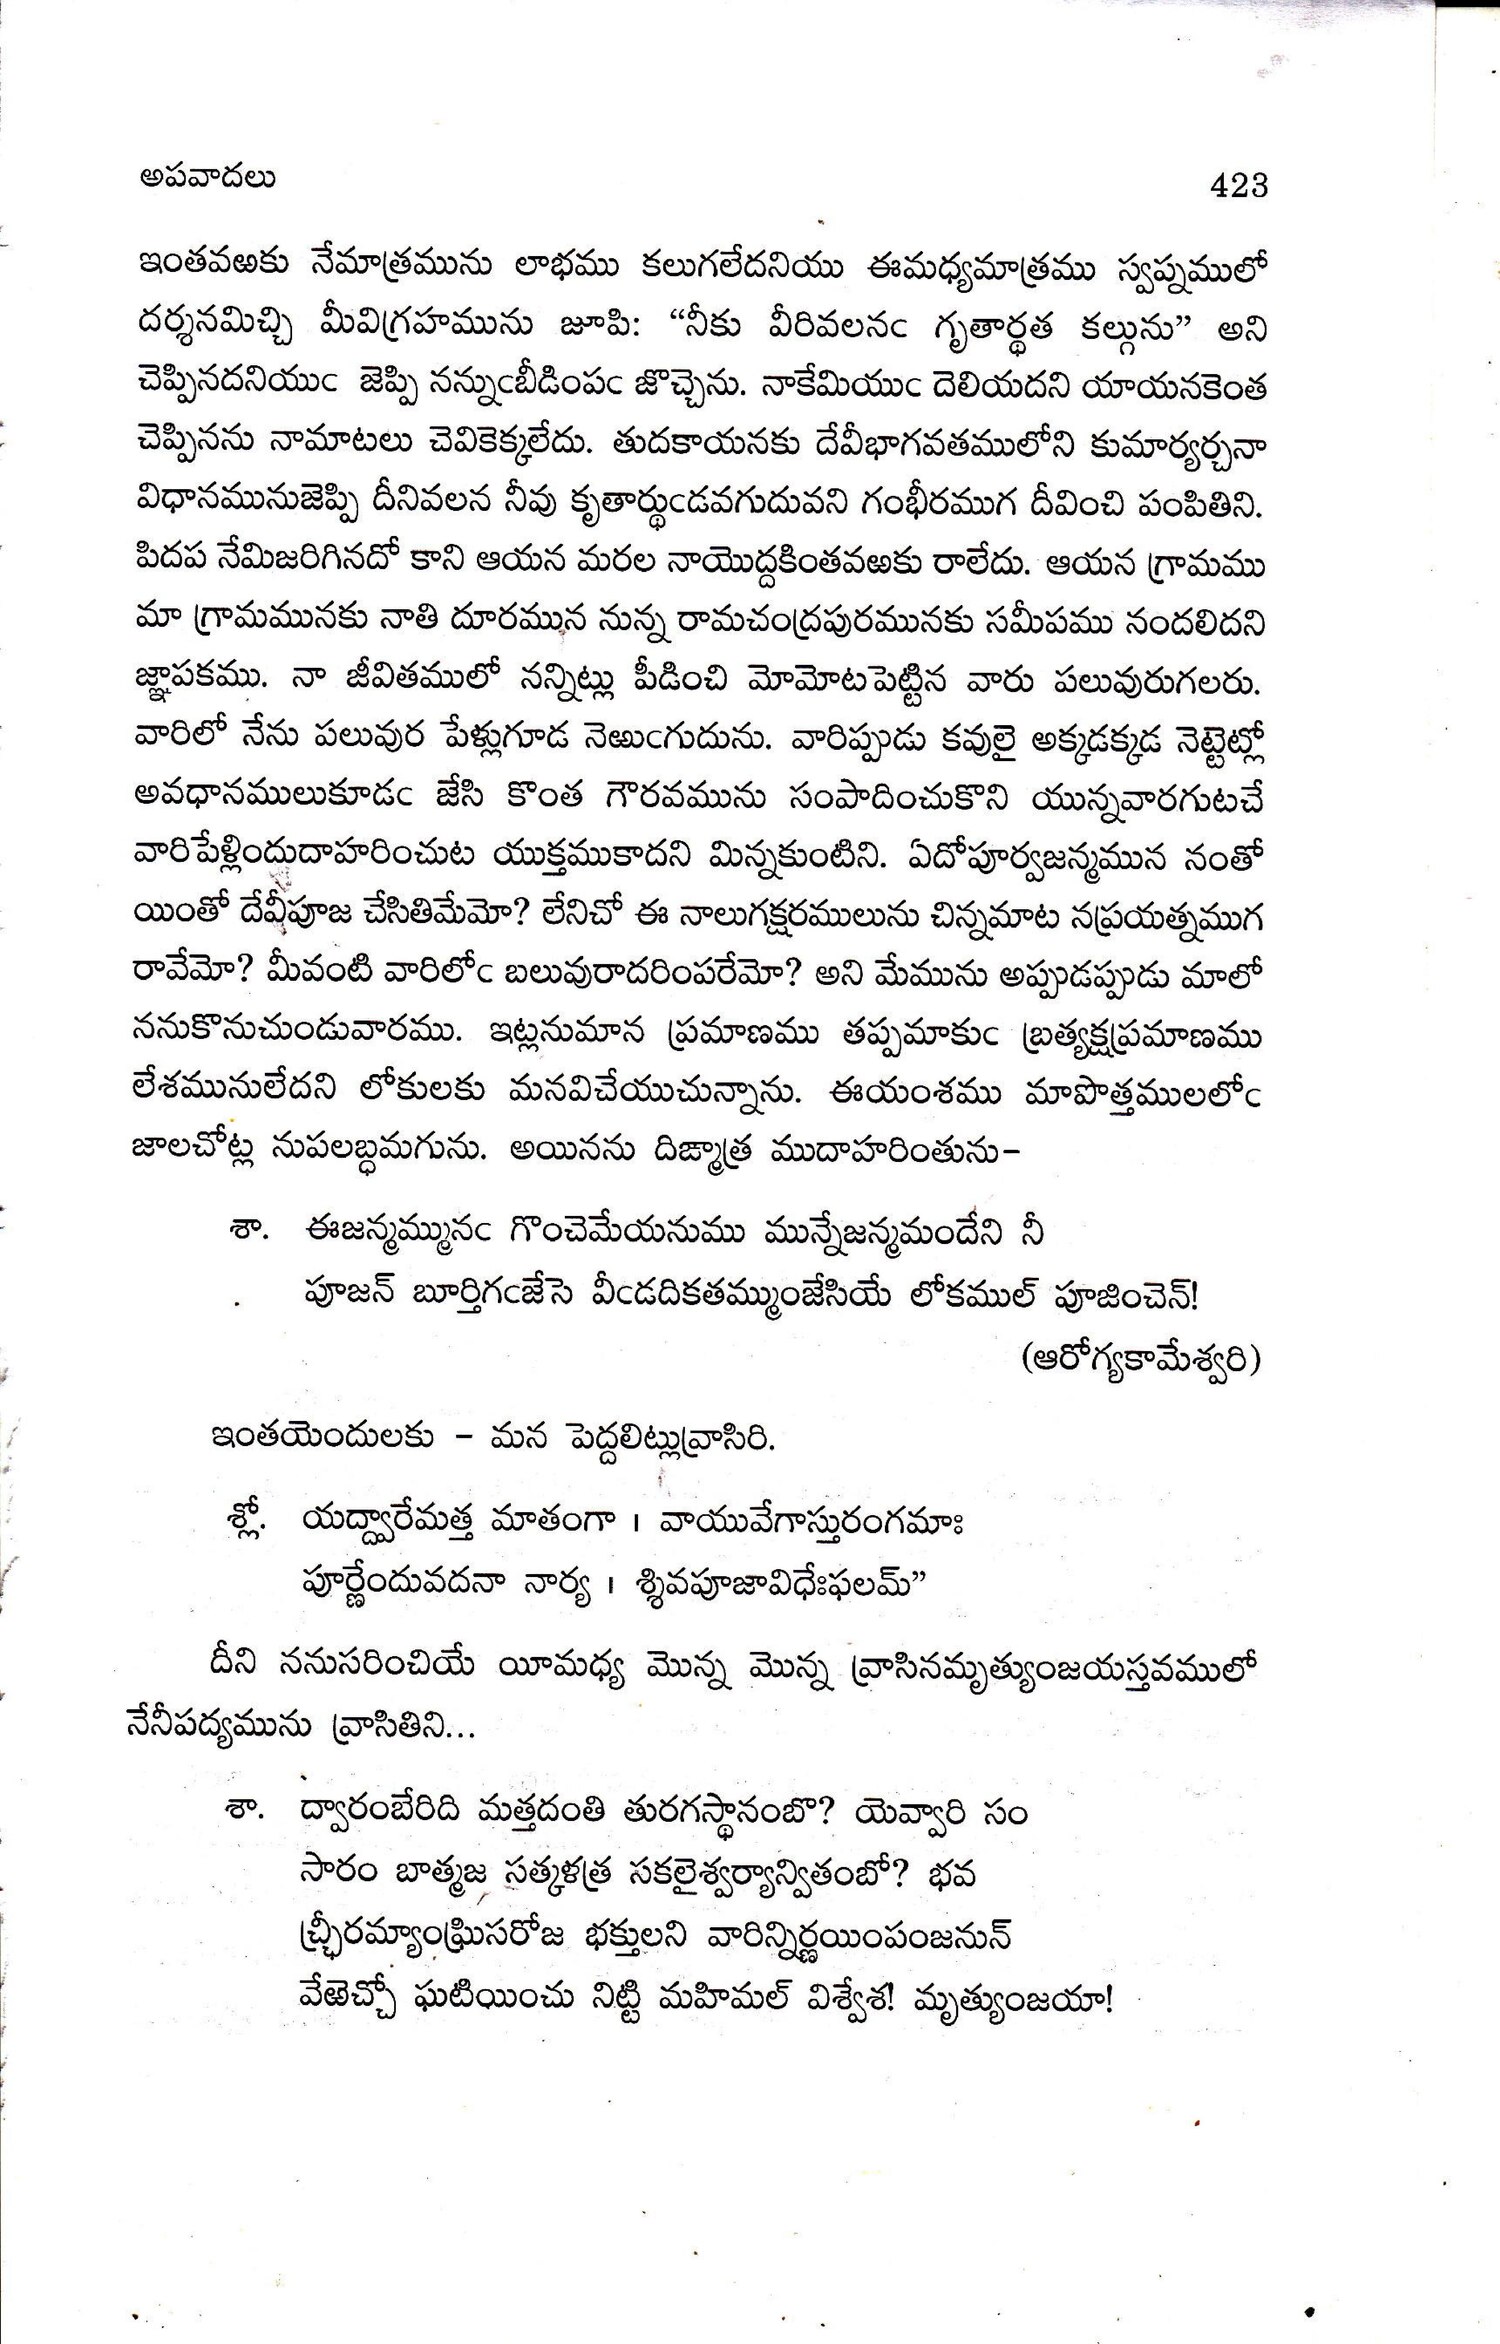ఇంతవఱకు నేమాత్రమును లాభము కలుగలేదనియు ఈమధ్యమాత్రము స్వప్నములో దర్శనమిచ్చి మీవిగ్రహమును జూపి: “నీకు వీరివలనఁ గృతార్థత కల్గును" అని చెప్పినదనియుఁ జెప్పి నన్నుఁబీడింపఁ జొచ్చెను. నాకేమియుc దెలియదని యాయనకెంత చెప్పినను నామాటలు చెవికెక్కలేదు. తుదకాయనకు దేవీభాగవతములోని కుమార్యర్చనా విధానమునుజెప్పి దీనివలన నీవు కృతార్థుఁడవగుదువని గంభీరముగ దీవించి పంపితిని. పిదప నేమిజరిగినదో కాని ఆయన మరల నాయొద్దకింతవఱకు రాలేదు. ఆయన గ్రామము మా గ్రామమునకు నాతి దూరమున నున్న రామచంద్రపురమునకు సమీపము నందలిదని జ్ఞాపకము. నా జీవితములో నన్నిట్లు పీడించి మోమోటపెట్టిన వారు పలువురుగలరు. వారిలో నేను పలువుర పేళ్లుగూడ నెఱుఁగుదును. వారిప్పుడు కవులై అక్కడక్కడ నెట్టెట్లో అవధానములుకూడఁ జేసి కొంత గౌరవమును సంపాదించుకొని యున్నవారగుటచే వారిపేళ్లిందుదాహరించుట యుక్తముకాదని మిన్నకుంటిని. ఏదోపూర్వజన్మమున నంతో యింతో దేవీపూజ చేసితిమేమో? లేనిచో ఈ నాలుగక్షరములును చిన్నమాట నప్రయత్నముగ రావేమో? మీవంటి వారిలోఁ బలువురాదరింపరేమో? అని మేమును అప్పుడప్పుడు మాలో ననుకొనుచుండువారము. ఇట్లనుమాన ప్రమాణము తప్పమాకుఁ బ్రత్యక్షప్రమాణము లేశమునులేదని లోకులకు మనవిచేయుచున్నాను. ఈయంశము మాపొత్తములలోc జాలచోట్ల నుపలబ్ధమగును. అయినను దిజ్మాత్ర మదాహరింతును

శా. ఈజన్మమ్మునఁ గొంచెమేయనుము మున్నేజన్మమందేని నీ
 పూజన్ బూర్తిగఁజేసె వీcడదికతమ్ముంజేసియే లోకముల్ పూజించెన్!
 (ఆరోగ్యకామేశ్వరి)

ఇంతయెందులకు - మన పెద్దలిట్లువ్రాసిరి.

శ్లో. యద్ద్వారేమత్త మాతంగా 1 వాయువేగాస్తురంగమాః
 పూర్ణేందువదనా నార్య | శివపూజావిధేఃఫలమ్” 
దీని ననుసరించియే యీమధ్య మొన్న మొన్న వ్రాసినమృత్యుంజయస్తవములో నేనీపద్యమును వ్రాసితిని... -

శా. ద్వారంబేరిది మత్తదంతి తురగస్థానంబో? యెవ్వారి సం 
 సారం బాత్మజ సత్కళత్ర సకలైశ్వర్యాన్వితంబో? భవ 
 చ్ఛ్రీరమ్యాంఫ్రిుసరోజ భక్తులని వారిన్నిర్ణయింపంజనున్ 
 వేఱెచ్చో ఘటియించు నిట్టి మహిమల్ విశ్వేశ! మృత్యుంజయా!